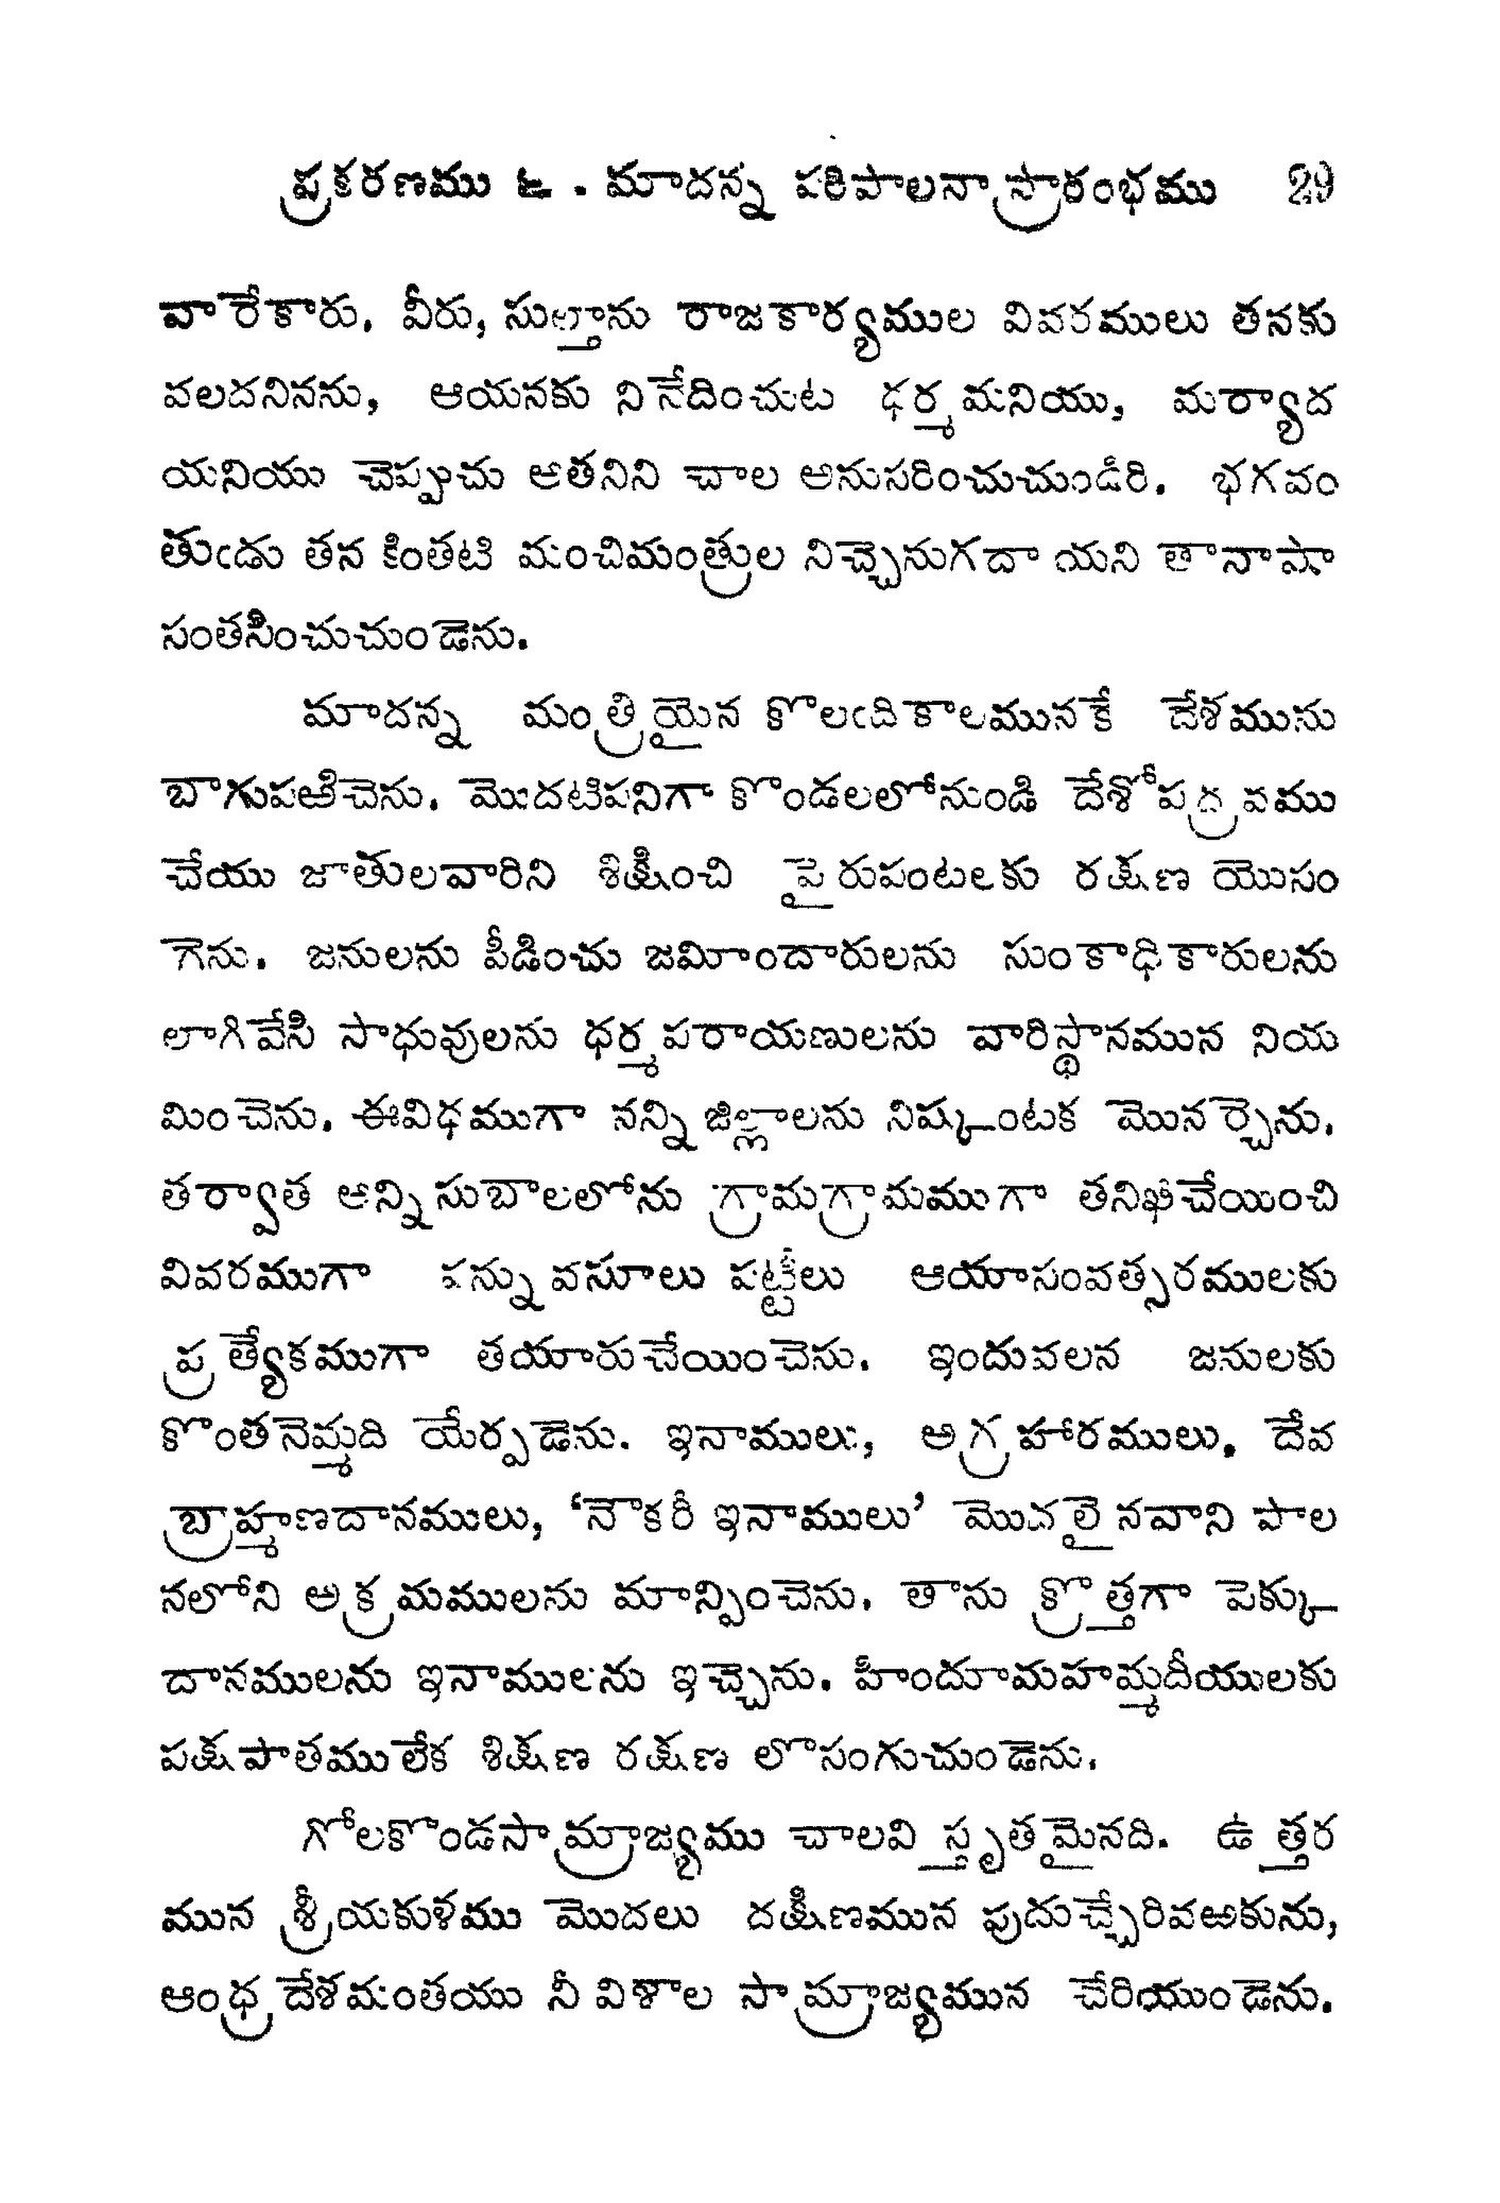వారేకారు. వీరు, సుల్తాను రాజకార్యముల వివరములు తనకు వలదనినను, ఆయనకు నివేదించుట ధర్మమనియు, మర్యాదయనియు చెప్పుచు అతనిని చాల అనుసరించుచుండిరి. భగవంతుఁడు తన కింతటి మంచిమంత్రుల నిచ్చెనుగదా యని తానాషా సంతసించుచుండెను.

మాదన్న మంత్రియైన కొలఁది కాలమునకే దేశమును బాగుపఱిచెను. మొదటిపనిగా కొండలలోనుండి దేశోపద్రవము చేయు జాతులవారిని శిక్షించి పైరుపంటలకు రక్షణ యొసంగెను. జనులను పీడించు జమీందారులను సుంకాధికారులను లాగివేసి సాధువులను ధర్మపరాయణులను వారిస్థానమున నియమించెను. ఈవిధముగా నన్నిజిల్లాలను నిష్కంటక మొనర్చెను. తర్వాత ఆన్నిసుబాలలోను గ్రామగ్రామముగా తనిఖీచేయించి వివరముగా పన్నువసూలు పట్టీలు ఆయాసంవత్సరములకు ప్రత్యేకముగా తయారుచేయించెను. ఇందువలన జనులకు కొంతనెమ్మది యేర్పడెను. ఇనాములు, అగ్రహారములు, దేవ బ్రాహ్మణదానములు, ‘నౌకరీ ఇనాములు’ మొదలైనవాని పాలనలోని అక్రమములను మాన్పించెను. తాను క్రొత్తగా పెక్కు దానములను ఇనాములను ఇచ్చెను. హిందూమహమ్మదీయులకు పక్షపాతములేక శిక్షణ రక్షణ లొసంగుచుండెను,

గోలకొండసామ్రాజ్యము చాలవిస్తృతమైనది. ఉత్తరమున శ్రీయకుళము మొదలు దక్షిణమున పుదుచ్చేరివఱకును, ఆంధ్రదేశమంతయు నీ విశాల సామ్రాజ్యమున చేరియుండెను.